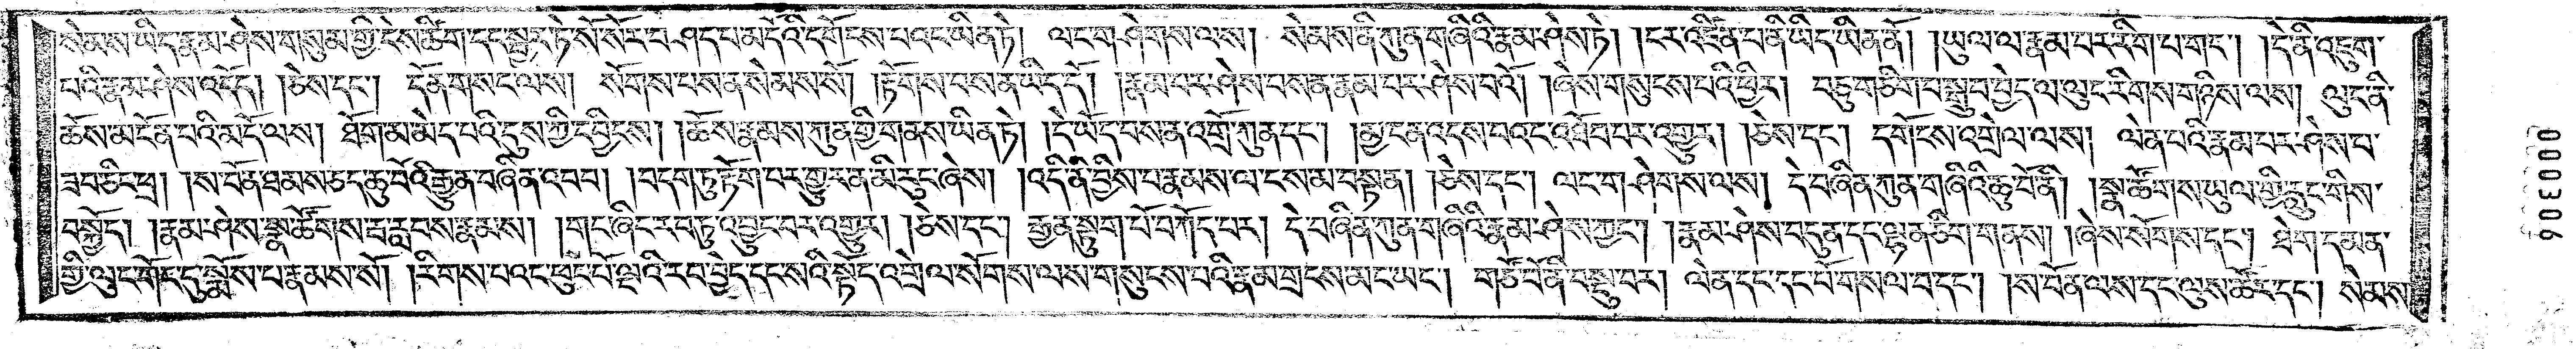སེམས་ཡིད་རྣམ་ཤེས་གསུམ་གྱི་ངེས་ཚིག་དང་སྦྱར་ཏེ་སོ་སོར་བཤད་པ་མདོའི་དགོངས་པའང་ཡིན་ཏེ། ལང་གཤེགས་ལས། སེམས་ནི་ཀུན་གཞིའི་རྣམ་ཤེས་ཏེ། ངར་འཛིན་པ་ནི་ཡིད་ཡིན་ནོ། །ཡུལ་ལ་རྣམ་པར་རིག་པ་གང་། །དེ་ནི་འཇུག་
པའི་རྣམ་ཤེས་འདོད། །ཅེས་དང་། དོན་གསང་ལས། སོགས་པས་ན་སེམས་སོ། །རྟོགས་པས་ན་ཡིད་དོ། །རྣམ་པར་ཤེས་པས་རྣམ་པར་ཤེས་པའོ། །ཞེས་གསུངས་པའི་ཕྱིར། བཅུ་གཅིག་པ་སྒྲུབ་བྱེད་ལ་ལུང་རིགས་གཉིས་ལས། ལུད་ནི་
ཆོས་མངོན་པའི་མདོ་ལས། ཐོག་མ་མེད་པའི་དུས་ཀྱི་དབྱིངས། །ཆོས་རྣམས་ཀུན་གྱི་གནས་ཡིན་ཏེ། །དེ་ཡོད་པས་ན་འགྲོ་ཀུན་དང་། །མྱ་ངན་འདས་པའང་འཐོབ་པར་འགྱུར། །ཅེས་དང་། དགོངས་འགྲེལ་ལས། ལེན་པའི་རྣམ་པར་ཤེས་པ་
ཟབ་ཅིང་ཕྲ། །ས་བོན་ཐམས་ཅད་ཆུ་བོའི་རྒྱུན་བཞིན་འབབ། །བདག་ཏུ་རྟོག་པར་གྱུར་ན་ནི་མི་རུང་ཞེས། །འདི་ནི་བྱིས་པ་རྣམས་ལ་ངས་མ་བསྟན། །ཅེས་དང་། ལང་གཤེགས་ལས། དེ་བཞིན་ཀུན་གཞིའི་ཆུ་བོ་ནི། །སྣ་ཚོགས་ཡུལ་གྱི་རླུང་གིས་
བསྐྱོད། །རྣམ་ཤེས་སྣ་ཚོགས་རྦ་རླབས་རྣམས། །གང་ཞིང་རབ་ཏུ་འབྱུང་བར་འགྱུར། །ཅེས་དང་། རྒྱན་སྟུག་པོ་བཀོད་པར། དེ་བཞིན་ཀུན་གཞིའི་རྣམ་ཤེས་ཀྱང་། །རྣམ་ཤེས་བདུན་དང་ལྷན་ཅིག་གནས། །ཞེས་སོགས་དང་། ཐེག་དམན་
ཕྱི་ལུང་གོང་དུ་སྨོས་པ་རྣམས་སོ། །རིགས་པའང་ཕུང་པོ་ལྔའི་རབ་བྱེད་དང་སའི་སྟོད་འགྲེལ་སོགས་ལས་གསུངས་པའི་རྣམ་གྲངས་མང་ཡང་། །གཙོ་བོ་ནི་བསྡུ་བར། ལེན་དང་དང་པོ་གསལ་བ་དང་། །ས་བོན་ལས་དང་ལུས་ཚོར་དང་། སེམས་